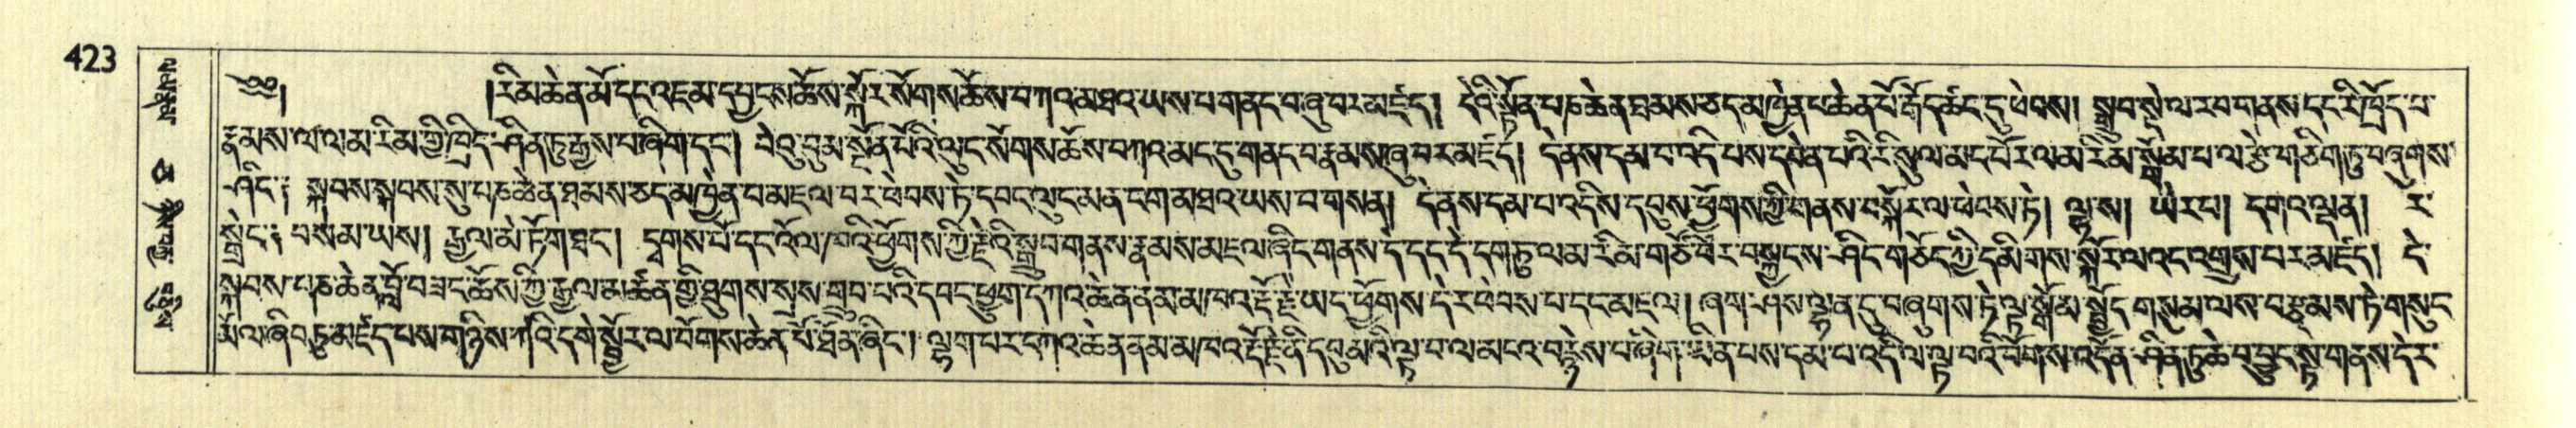༄༅། །རིམ་ཆེན་མོ་དང་འཇམ་དབྱངས་ཆོས་སྐོར་སོགས་ཆོས་བཀའ་མཐའ་ཡས་པ་གནང་བ་ཞུ་བར་མཛད། དེའི་སྟོན་པཎ་ཆེན་ཐམས་ཅད་མཁྱེན་པ་ཆེན་པོ་རྒོད་ཚང་དུ་ཕེབས། སྒྲུབ་སྡེ་ལ་རབ་གནས་དང་རི་ཁྲོད་པ་
རྣམས་ལ་ལམ་རིམ་གྱི་ཁྲིད་ཤིན་ཏུ་རྒྱས་པ་ཞིག་དང་། བེའུ་བུམ་སྔོན་པོའི་ལུང་སོགས་ཆོས་བཀའ་མང་དུ་གནང་བ་རྣམས་ཞུ་བར་མཛད། དེ་ནས་དམ་པ་འདི་པས་དབེན་པའི་རི་སུལ་མང་པོར་ལམ་རིམ་སྒོམ་པ་ལ་རྩེ་གཅིག་ཏུ་བཞུགས་
ཤིང༑ སྐབས་སྐབས་སུ་པཎ་ཆེན་ཐམས་ཅད་མཁྱེན་པ་མཇལ་བར་ཕེབས་ཏེ་དབང་ལུང་མན་ངག་མཐའ་ཡས་བ་གསན། དེ་ནས་དམ་པ་འདིས་དབུས་ཕྱོགས་ཀྱི་གནས་བསྐོར་ལ་ཕེབས་ཏེ། ལྷ་ས། ཡེར་པ། དགའ་ལྡན། ར་
སྒྲེང༑ བསམ་ཡས། རྒྱལ་མེ་ཏོག་ཐང་། དྭགས་པོ་དང་འོལ་ཁའི་ཕྱོགས་ཀྱི་རྗེའི་སྒྲུབ་གནས་རྣམས་མཇལ་ཞིང་གནས་དེ་དང་དེ་དག་ཏུ་ལམ་རིམ་གཙོ་བོར་བསྐྱངས་ཤིང་གཅོད་ཀྱི་དམིགས་སྐོར་ལའང་འགྲུས་པར་མཛད། དེ་
སྐབས་པཎ་ཆེན་བློ་བཟང་ཆོས་ཀྱི་རྒྱལ་མཚན་གྱི་ཐུགས་སྲས་གྲུབ་པའི་དབང་ཕྱུག་དཀའ་ཆེན་ནམ་མཁའ་རྡོ་རྗེ་ཡང་ཕྱོགས་དེར་ཕེབས་པ་དང་མཇལ། ཞག་ཤས་ལྷན་དུ་བཞུགས་ཏེ་ལྟ་སྒོམ་སྤྱོད་གསུམ་ལས་བརྩམས་ཏེ་གསུང་
མོལ་ཞིབ་ཏུ་མཛད་པས་གཉིས་ཀའི་དགེ་སྦྱོར་ལ་བོགས་ཆེན་པོ་ཐོན་ཞིང་། ལྷག་པར་དཀའ་ཆེན་ནམ་མཁའ་རྡོ་རྗེ་ནི་དབུ་མའི་ལྟ་བ་ལ་མངའ་བརྙེས་པ་ཞིག་ཡིན་པས་དམ་པ་འདི་ལ་ལྟ་བའི་བོགས་འདོན་ཤིན་ཏུ་ཆེ་བ་བྱུང་སྟེ་གནས་དེར་